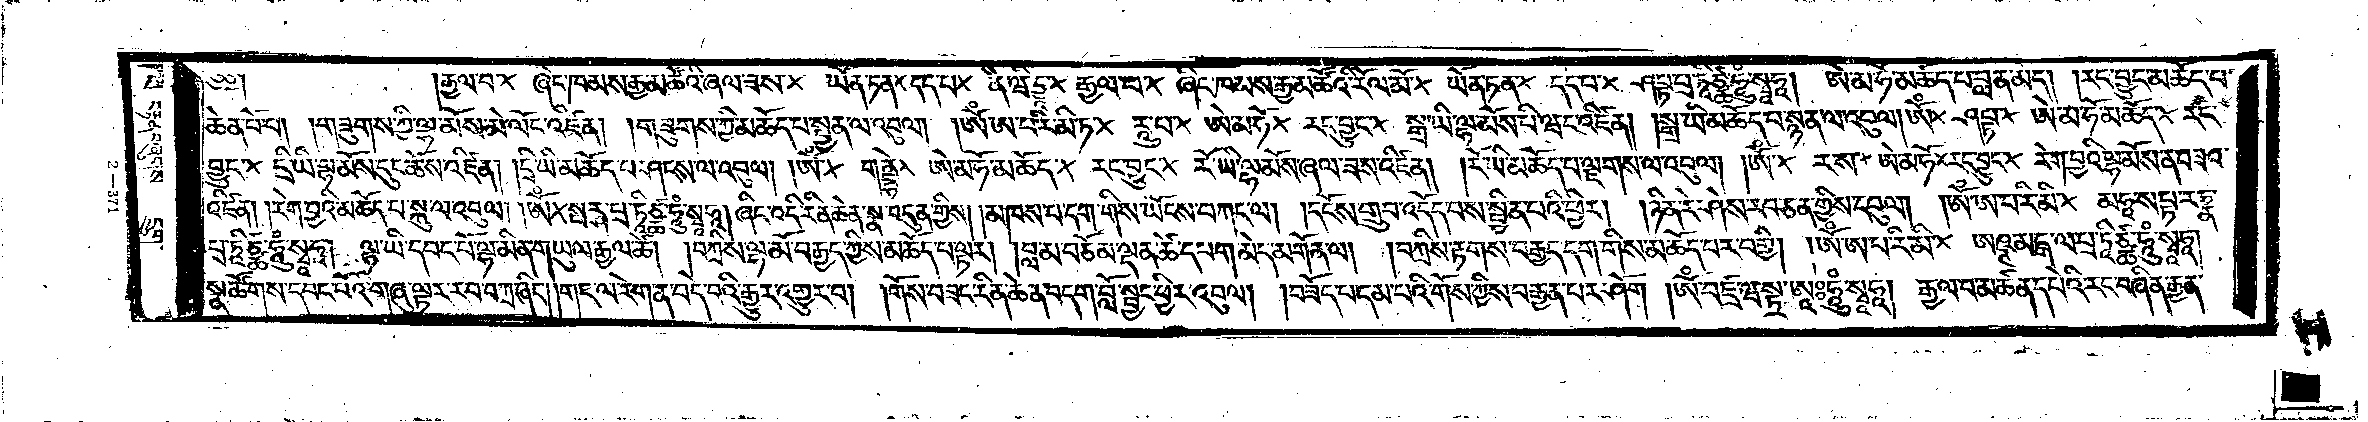༄༅། །རྒྱལ་བ྾་ཞིང་ཁམས་རྒྱ་མཚོའི་ཞལ་ཟས྾་ཡོན་ཏན྾་དད་པ྾་ནཻ་ཝིདྱཱ྾་རྒྱལ་བ྾་ཞིང་ཁམས་རྒྱ་མཚོའི་རོལ་མོ྾་ཡོན་ཏན྾་དད་པ྾་ཤཔྟ་པྲ་ཏཱཙྪ་ཧཱུཾ་སྭཱཧཱ། ཨེ་མ་ཧོ་མཆོད་བླན་མེད། །རང་བྱུང་མཆོད་པ་
ཆེན་པོ་པ། །གཟུགས་ཀྱི་ལྷ་མོས་མེ་ལོང་འཛིན། །གཟུགས་ཀྱི་མཆོད་པ་སྤྱན་ལ་འབུལ། །ཨོཾ་ཨ་པ་རི་མི་ཏ྾་རཱུ་བ྾་ཨེ་མ་ཧོ྾་རང་བྱུང྾་སྒྲ་ཡི་ལྷ་མོས་པི་ཝང་འཛིན། །སྒྲ་ཡི་མཆོད་པ་སྙན་ལ་འབུལ། ཨོཾ྾་ཤཔྟ྾་ཨེ་མ་ཧོ་མཆོད྾་རང་
བྱུང྾་དྲི་ཡི་ལྷ་མོས་དུང་ཆོས་འཛིན། །དྲི་ཡི་མཆོད་པ་ཤངས་ལ་འབུལ། །ཨོཾ྾་གནྡྷེ྾་ཨེ་མ་ཧོ་མཆོད྾་རང་བྱུང྾་རོ་ཡི་ལྷ་མོས་ཞལ་ཟས་འཛིན། །རོ་ཡི་མཆོད་པ་ལྗགས་ལ་འབུལ། །ཨོཾ྾་རས྾་ཨེ་མ་ཧོ྾་རང་བྱུང྾་རེག་བྱའི་ལྷ་མོས་ན་བཟའ་
འཛིན། །རེག་བྱའི་མཆོད་པ་སྐུ་འབུལ། །ཨོཾ྾་སྤརྴ་པྲ་ཏཱིཙྪ་ཧཱུཾ་སྭཱཧཱ། ཞིང་འདི་རིན་ཆེན་སྣ་བདུན་གྱིས། །མཁས་བདག་གིས་ཡོངས་བཀང་ལ། །དངོས་གྲུབ་འདོད་པས་སྦྱིན་པའི་ཕྱིར། །ཉིན་རེ་ཤེས་རབ་ཅན་གྱིས་དབུལ། །ཨོཾ་ཨ་པ་རི་མི྾་མཧཱ་སཔྟ་རཏྣ་
པྲ་ཏཱིཙྪ་ཧཱུཾ་སྭཱཧཱ། ལྷ་ཡི་དབང་པོ་ལྷ་མིན་གཡུལ་རྒྱལ་ཚེ། །བཀྲིས་ལྷ་མོ་བརྒྱད་ཀྱིས་མཆོད་པ་ལྟར། །བླ་མ་བཅོམ་ལྡན་ཚེ་དཔག་མེད་མགོན་ལ། །བཀྲིས་རྟགས་བརྒྱད་དག་གིས་མཆོད་པར་བགྱི། །ཨོཾ་ཨ་པ་རི་མི྾་ཨཥྚམངྒ་ལ་པྲ་ཏཱིཙྪ་ཧཱུཾ་སྭཱཧཱ།
སྣ་ཚོགས་དབང་པོའི་གཞུ་ལྟར་རབ་བཀྲ་ཞིང་། །གང་ལ་རེག་ན་བདེ་བའི་རྒྱུར་འགྱུར་བ། །གོས་བཟང་རིན་ཆེན་བདག་བློ་སྦྱང་ཕྱིར་འབུལ། །བཟོད་པ་དམ་པའི་གོས་ཀྱིས་བརྒྱན་པར་ཤོག །ཨོཾ་བཛྲ་ཝ་སྟྲ་ཨཱཿཧཱུཾ་སྭཱཧཱ། རྒྱལ་བ་མཚན་དཔེའི་རང་བཞིན་རྒྱན་